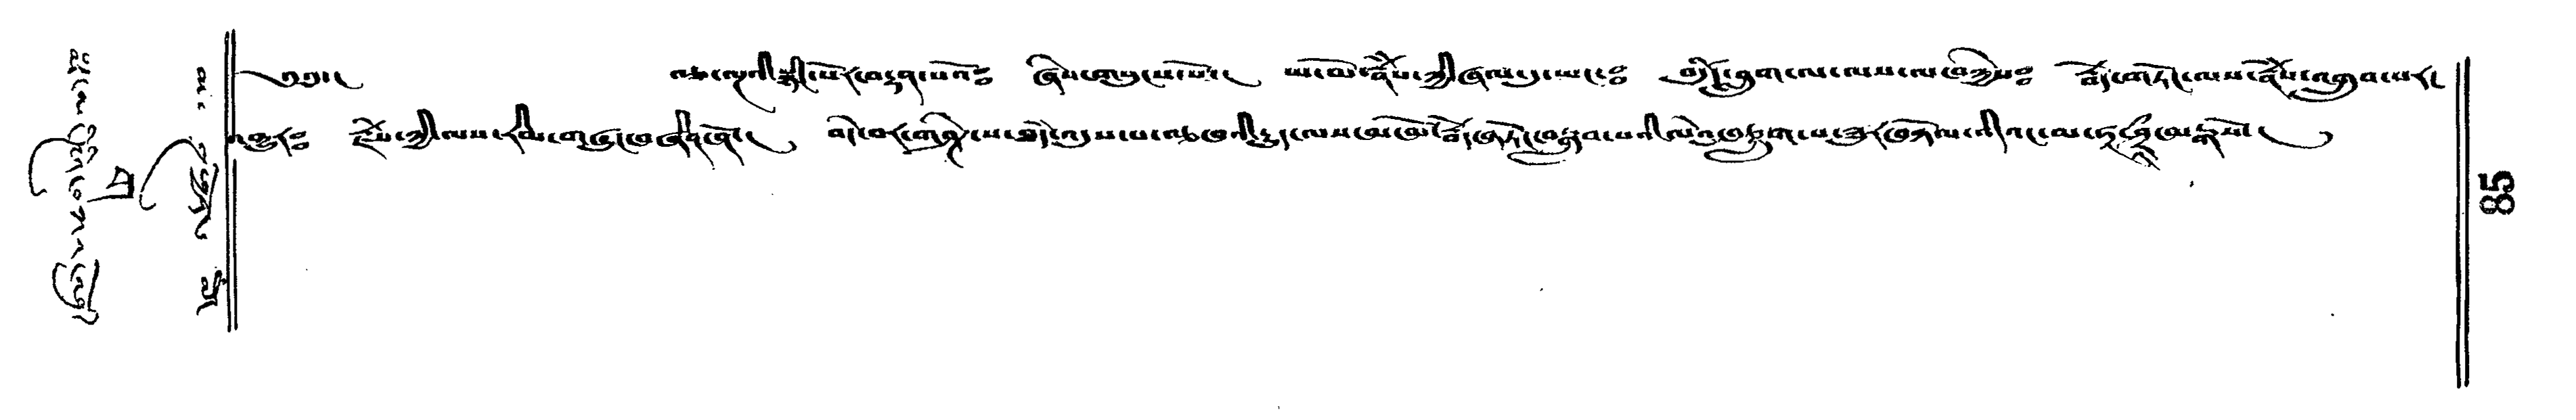རྩ་ལྔའི་སྙིང་པོར་བརྟན་པའོ། ཞེས་གསུངས་སོ།། མ་མོ་རྣམས་ཀྱི་ཞལ་དུ་ཡང་། །བདུད་རྩི་བླུག་ལ་ལས་ལ་བཀྱེ། །རྦོད་གཏོང་ལས་རྣམས་འགྲུབ་པར་
འགྱུར། །རྗེས་ཀྱི་ལས་རིམ་གཞུང་བཞིན་ནོ།། བདེ་བར་གཤེགས་པ་ཐམས་ཅད་འདུས་པ་རྩ་བའི་རྒྱུད་ལས་མ་མོ་རྦོད་གཏོང་བསྒྲུབ་པའི་ལེའུ་བཅུ་དྲུག་པ་ཟུར་བཀོལ་འདིའང་མ་ཧཱ་ཤྲཱྀ་སངྒས་སོ།། དགེའོ།།